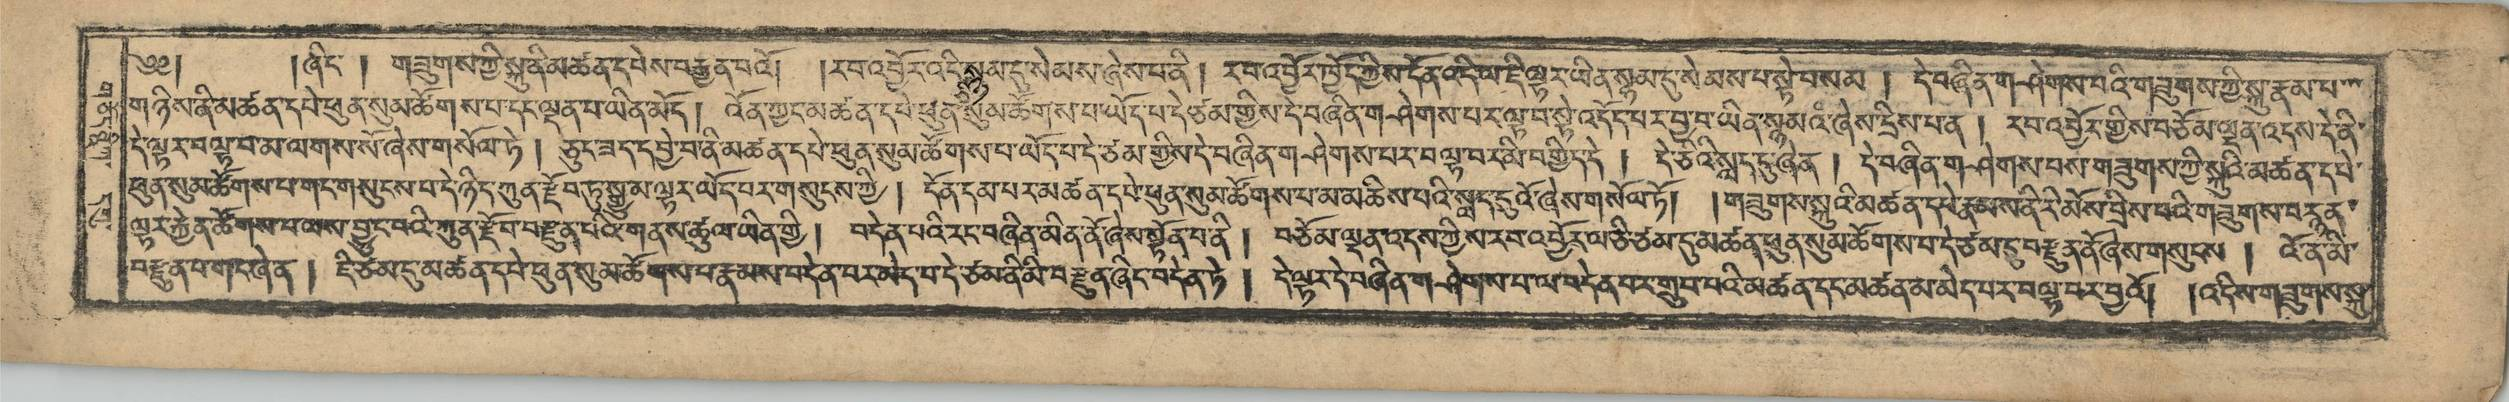༄༅། །ཞིང་། གཟུགས་ཀྱི་སྐུ་ནི་མཚན་དཔེས་བརྒྱན་པའོ། །རབ་འབྱོརའདི་སྙམ་དུ་སེམས་ཞེས་པ་ནི། རབ་འབྱོར་ཁྱོད་ཀྱིས་དོན་འདི་ལ་ཇི་ལྟར་ཡིན་སྙམ་དུ་སེམས་པ་སྟེ་བསམ། དེ་བཞིན་གཤེགས་པའི་གཟུགས་ཀྱི་སྐུ་རྣམ་པ་
གཉིས་ནི་མཚན་དཔེ་ཕུན་སུམ་ཚོགས་པ་དང་ལྡན་པ་ཡིན་མོད། འོན་ཀྱང་མཚན་དཔེ་ཕུན་སུམ་ཚོགས་པ་ཡོད་པ་དེ་ཙམ་གྱིས་དེ་བཞིན་གཤེགས་པར་ལྟ་བ་སྟེ་འདོད་པར་བྱ་བ་ཡིན་སྙམ་མའཾ་ཞེས་དྲིས་པ་ན། རབ་འབྱོར་གྱིས་བཅོམ་ལྡན་འདས་དེ་ནི་
དེ་ལྟར་བལྟ་བ་མ་ལགས་སོ་ཞེས་གསོལ་ཏེ། ཅུང་ཟད་དབྱེ་བ་ནི་མཚན་དཔེ་ཕུན་སུམ་ཚོགས་པ་ཡོད་པ་དེ་ཙམ་གྱིས་དེ་བཞིན་གཤེགས་པར་བལྟ་བར་མི་བགྱིད་དེ། དེ་ཅིའི་སླད་དུ་ཞེ་ན། དེ་བཞིན་གཤེགས་པས་གཟུགས་ཀྱི་སྐུའི་མཚན་དཔེ་
ཕུན་སུམ་ཚོགས་པ་གང་གསུངས་པ་དེ་ཉིད་ཀུན་རྫོབ་ཏུ་སྒྱུ་མ་ལྟར་ཡོད་པར་གསུངས་ཀྱི། དོན་དམ་པར་མཚན་དཔེ་ཕུན་སུམ་ཚོགས་པ་མ་མཆིས་པའི་སླད་དུའོ་ཞེས་གསོལ་ཏོ། །གཟུགས་སྐུའི་མཚན་དཔེ་རྣམས་ནི་རི་མོས་བྲིས་པའི་གཟུགས་བརྙན་
ལྟར་རྐྱེན་ཚོགས་པ་ལས་བྱུང་བའི་ཀུན་རྫོབ་བརྫུན་པའི་གནས་ཚུལ་ཡིན་གྱི། བདེན་པའི་རང་བཞིན་མིན་ནོ་ཞེས་སྟོན་པ་ནི། བཅོམ་ལྡན་འདས་ཀྱིས་རབ་འབྱོར་ལ་ཅི་ཙམ་དུ་མཚན་ཕུན་སུམ་ཚོགས་པ་དེ་ཙམ་དུ་བརྫུན་ནོ་ཞེས་གསུངས། འོ་ན་མི་
བརྫུན་པ་གང་ཞེ་ན། ཇི་ཙམ་དུ་མཚན་དཔེ་ཕུན་སུམ་ཚོགས་པ་རྣམས་བདེན་བར་མེད་པ་དེ་ཙམ་ནི་མི་བརྫུན་ཞིང་བདེན་ཏེ། དེ་ལྟར་དེ་བཞིན་གཤེགས་པ་ལ་བདེན་པར་གྲུབ་པའི་མཚན་དང་མཚན་མ་མེད་པར་བལྟ་བར་བྱའོ། །འདིས་གཟུགས་སྐུ་